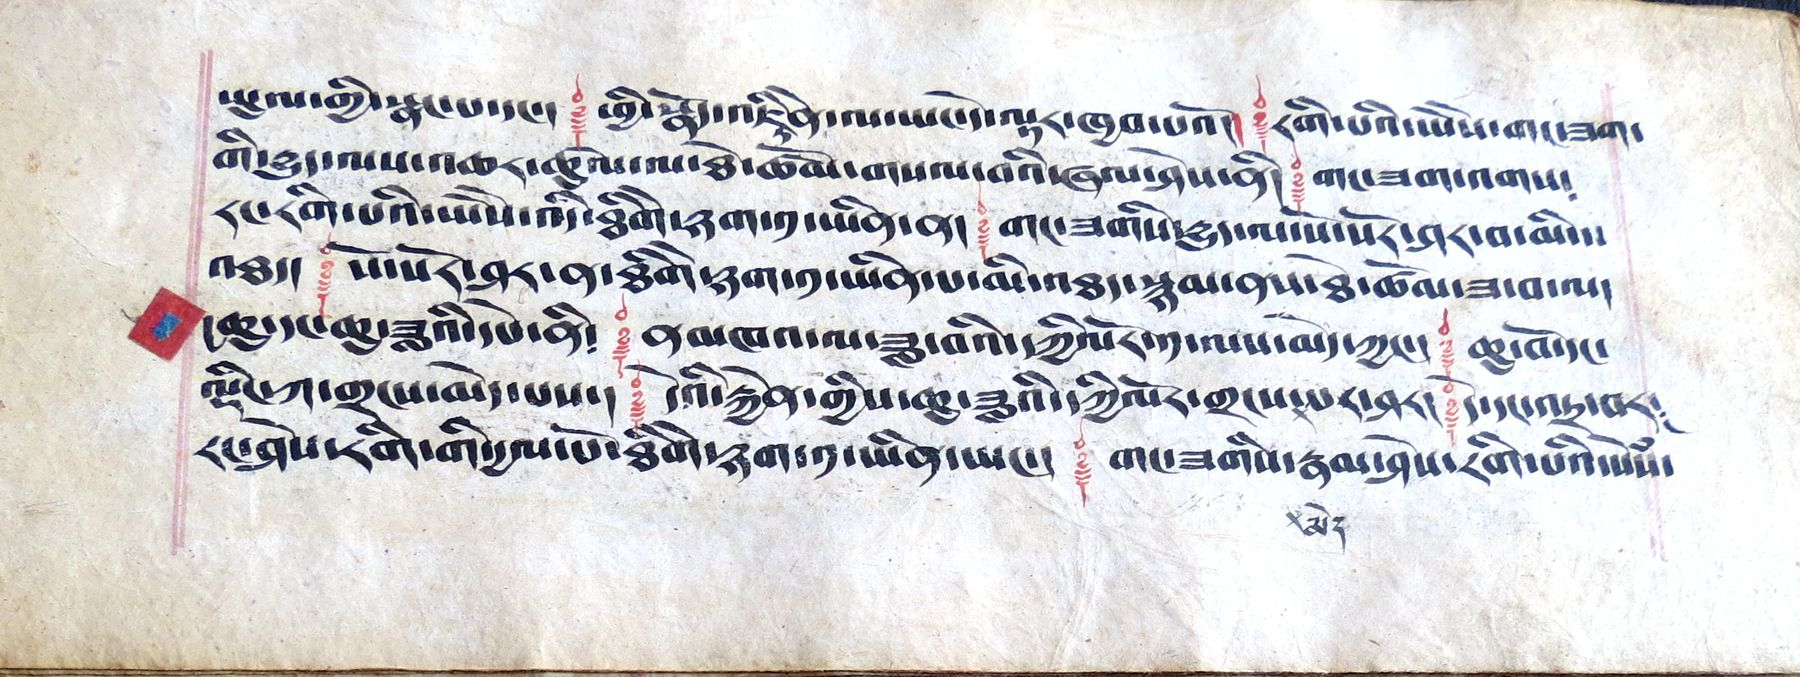ཡུལ་གྱི་སྣང་བ་དང་། སྣོད་ཀྱི་འཇིག་རྟེན་ལ་ཡང་དེ་ལྟར་ཁྱབ་པའོ། ། རིག་པའི་ཡེ་ཤེས་གང་ཟག་
གི་རྒྱུད་ལ་ཤར་ཚུལ་ལ། ཐེ་ཚོམ་བསལ་བའི་ཞལ་ཤེས་ནི། གང་ཟག་འགས་
རང་རིག་པའི་ཡེ་ཤེས་འདི། ཐིག་ལེ་ཉག་གཅིག་ཡིན་ན། གང་ཟག་གི་རྒྱུད་ལ་སོ་སོར་ཤར་བ་མི་
འཐད། སོ་སོར་ཤར་ན་ཐིག་ལེ་ཉག་གཅིག་ཡིན་པ་མི་འཐད་སྙམ་ནས་ཐེ་ཚོམ་ཟ་བ་ལ་
ཆུ་ཟླའི་དཔེ་ཡིས་མཚོན་ཏེ། ནམ་མཁའ་ལ་ཟླ་བའི་དཀྱིལ་འཁོར་གཅིག་ལས་མེད་ཀྱང་། ཆུ་བོ་དང་
ལྡེང་ཀ་གྲངས་མེད་པ་དེའི་རྐྱེན་གྱིས། ཆུ་ཟླའི་དཀྱིལ་འཁོར་གྲངས་མེད་ཤར་རོ། ། དེ་དང་འདྲ་བར་
རང་ཤེས་རིག་གི་རྒྱལ་པོ་ཐིག་ལེ་ཉག་གཅིག་ཡིན་ཡང་། གང་ཟག་གི་རྣམ་ཤེས་རིག་པའི་སེམས་